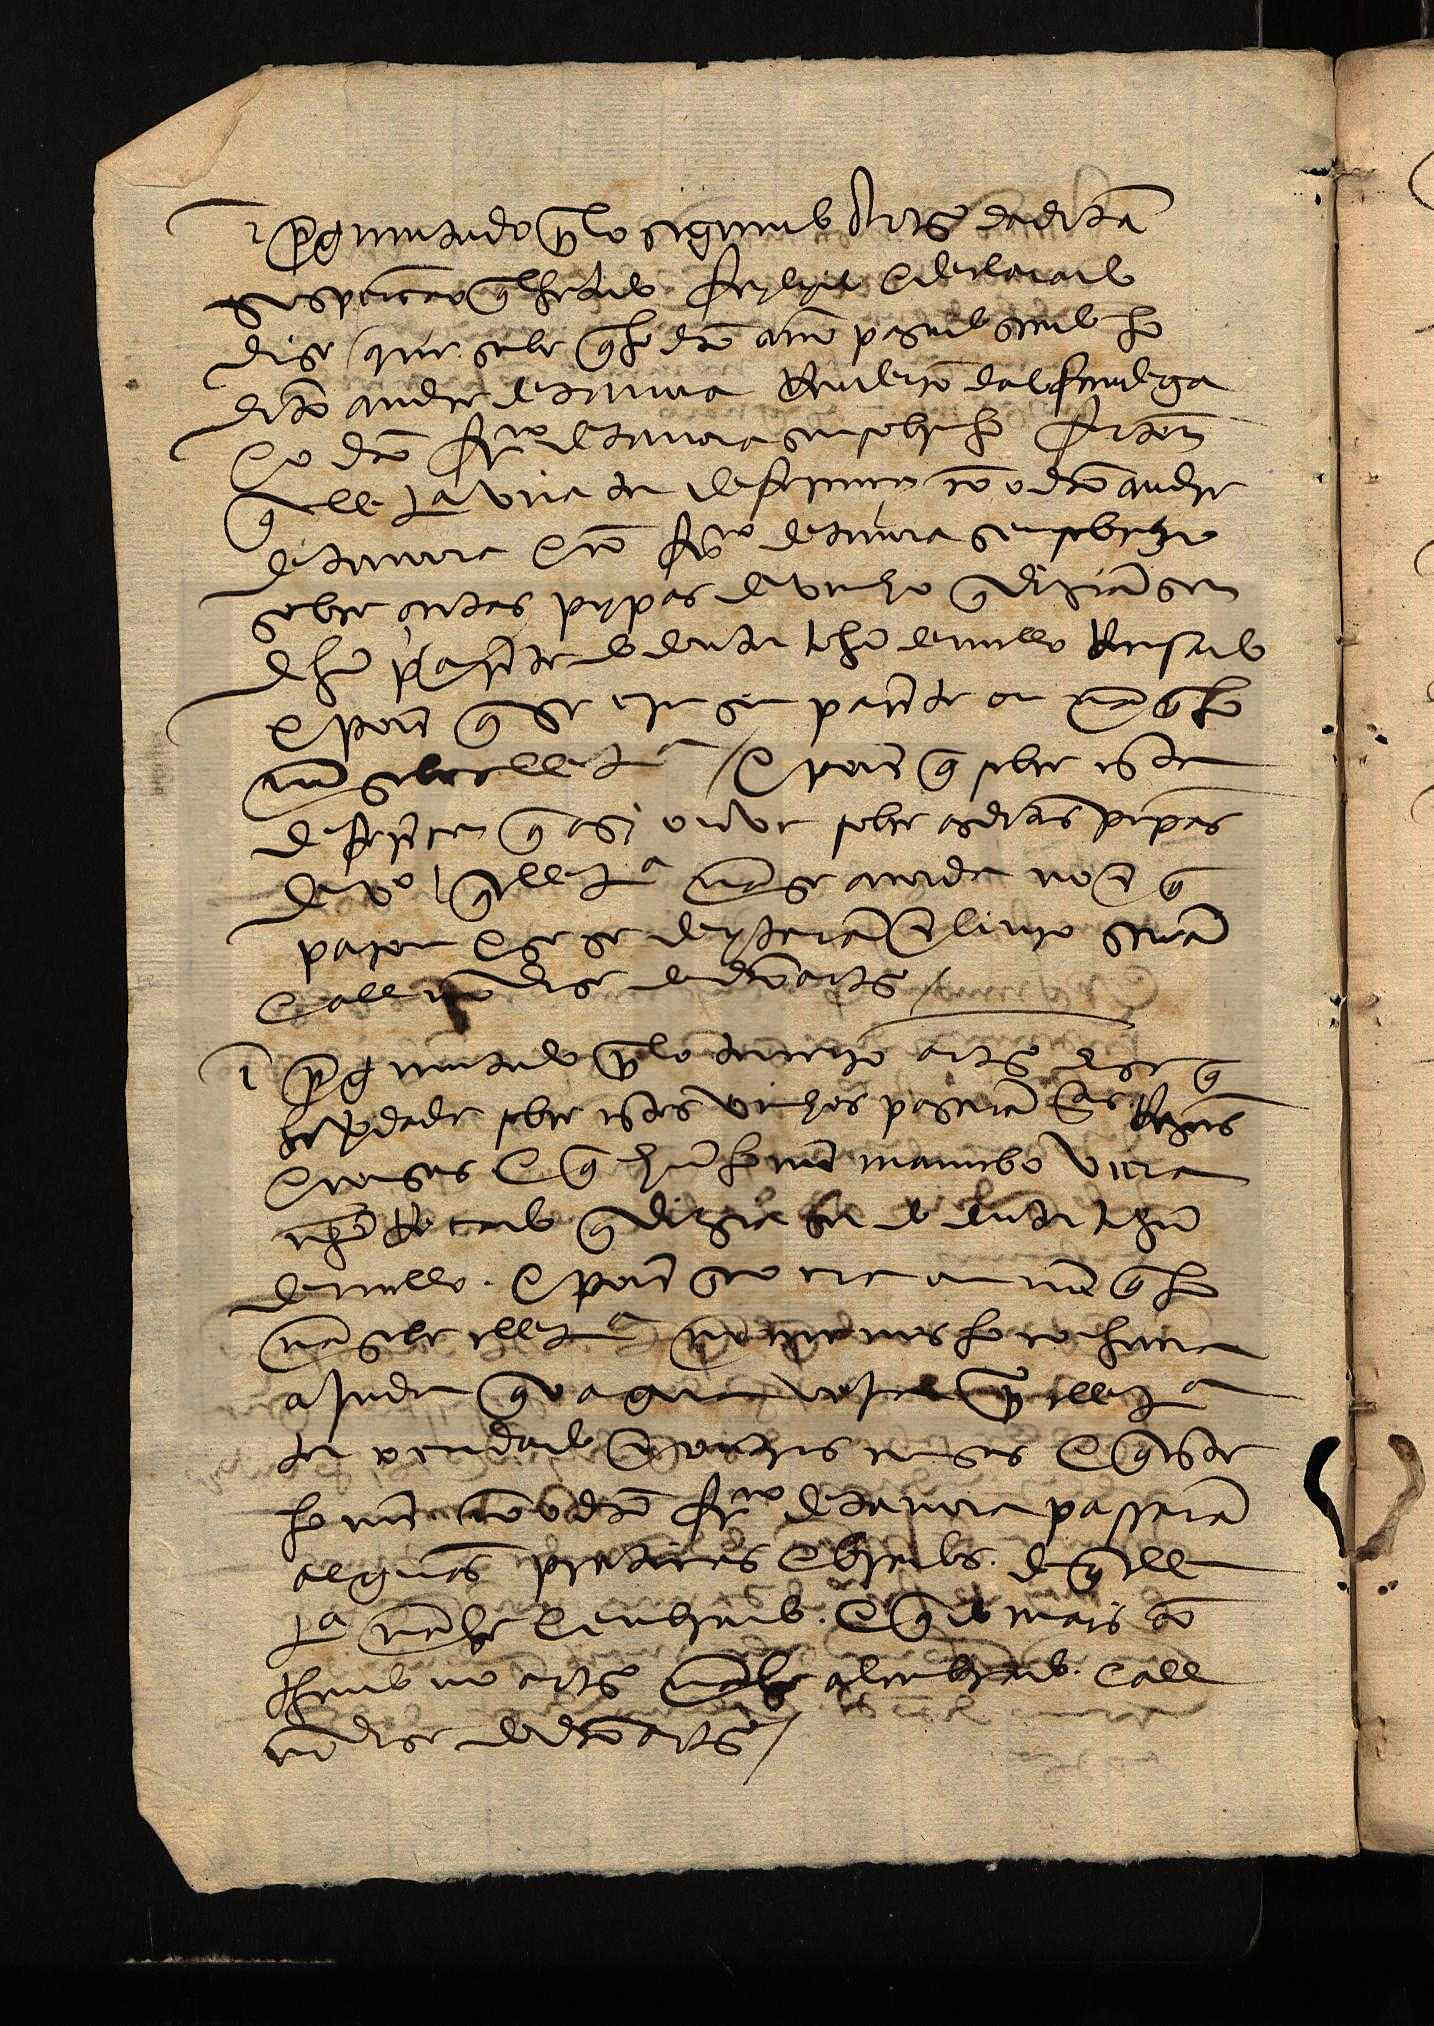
item p̄gumtado pelo segumdo Arto da dita
sospeição q̄ lhe todo foy lydo e declarado
dise que sabe q̄ ho dt̄o an̄o pasado sendo ho
dito andre de tauora Rendeiro dalfamdega
e o dtō frco de tauora seu sobrinho feytor
q̄ elle ta vira ter deferença c̄o o dt̄o andre
de tauora e c̄o frco de tauora seu sobrinho
sobre certas pypas de vinho q̄ diziā ser
de hū parēte do doutor Johā de mello Recusado
e porē q̄ se era seu parēte ou nā q̄ ho
nā sabe elle ta / e porē q̄ sobre esta
deferēça q̄ asy ouve sobre as ditas pipas
de vo q̄ elle ta nā se acorda no ē q̄
parou e se se deytarā ē liuro se nā
e all nō dise do dtō arto /
item p̄gumtado p̄lo terceiro arto dise q̄
he ꝟdade sobre estes vinhos pasarā mtas Rezões
e cousas e q̄ hū homē mancebo viera
cō hū Recado q̄ dizia ser do doutor Johā
de mello. e porē se o era o nā q̄ ho
nā sabe elle ta nē menos ho conhecia
aJnda q̄ o agora vira p̄o elle ta
ter o cuidado ē outras cousas e q̄ este
homē c̄o o dito frco de tauora passarā
alguās praticas e brados de q̄ elle
ta nā he lenbrado. e q̄ do mais c̄o
theudo no arto nā he alembrado. e all
nō dise do dto arto /
